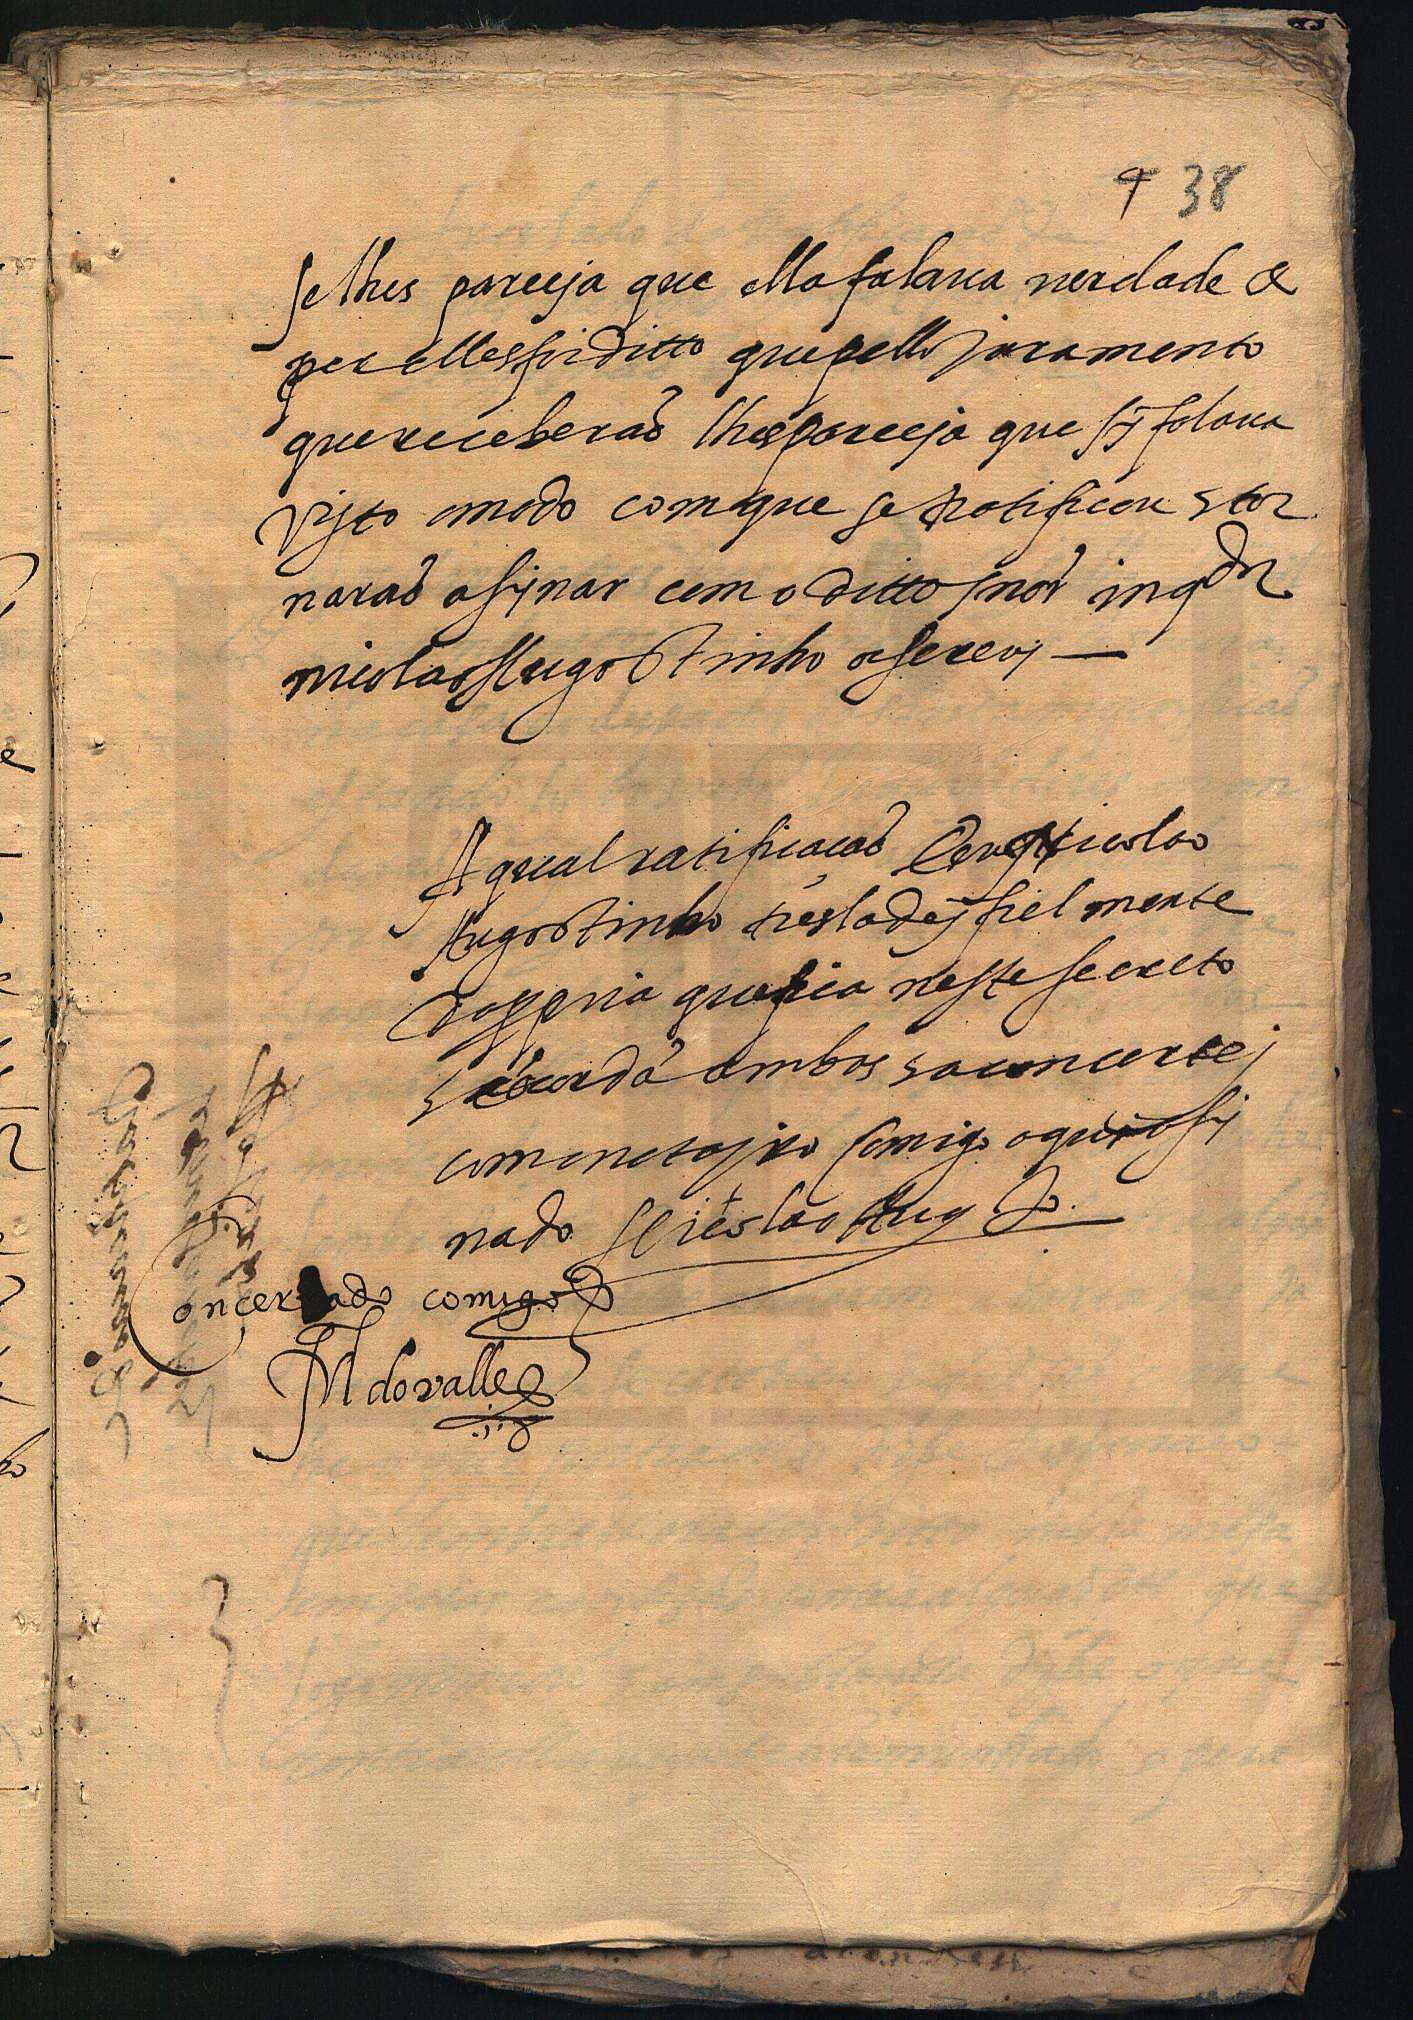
se lhes parecja que ella falaua uerdade &
por elles foi ditto que pello juramento
que receberaõ lhes parecja que sy falaua
visto o modo com que se Ratificou E tor
naraõ asynar com o ditto snor̄ inqdor
nicolao Augostinho o escreuj
A qual ratificaçaõ E eu Nicolao
Augostinho tresladej fielmente
da ꝓpria que fica neste secreto
E o acordā ambos E a concertej
com o notajro Comigo o que asy
nado Nicolao Augto
Concertado comigo
Mel do valle
